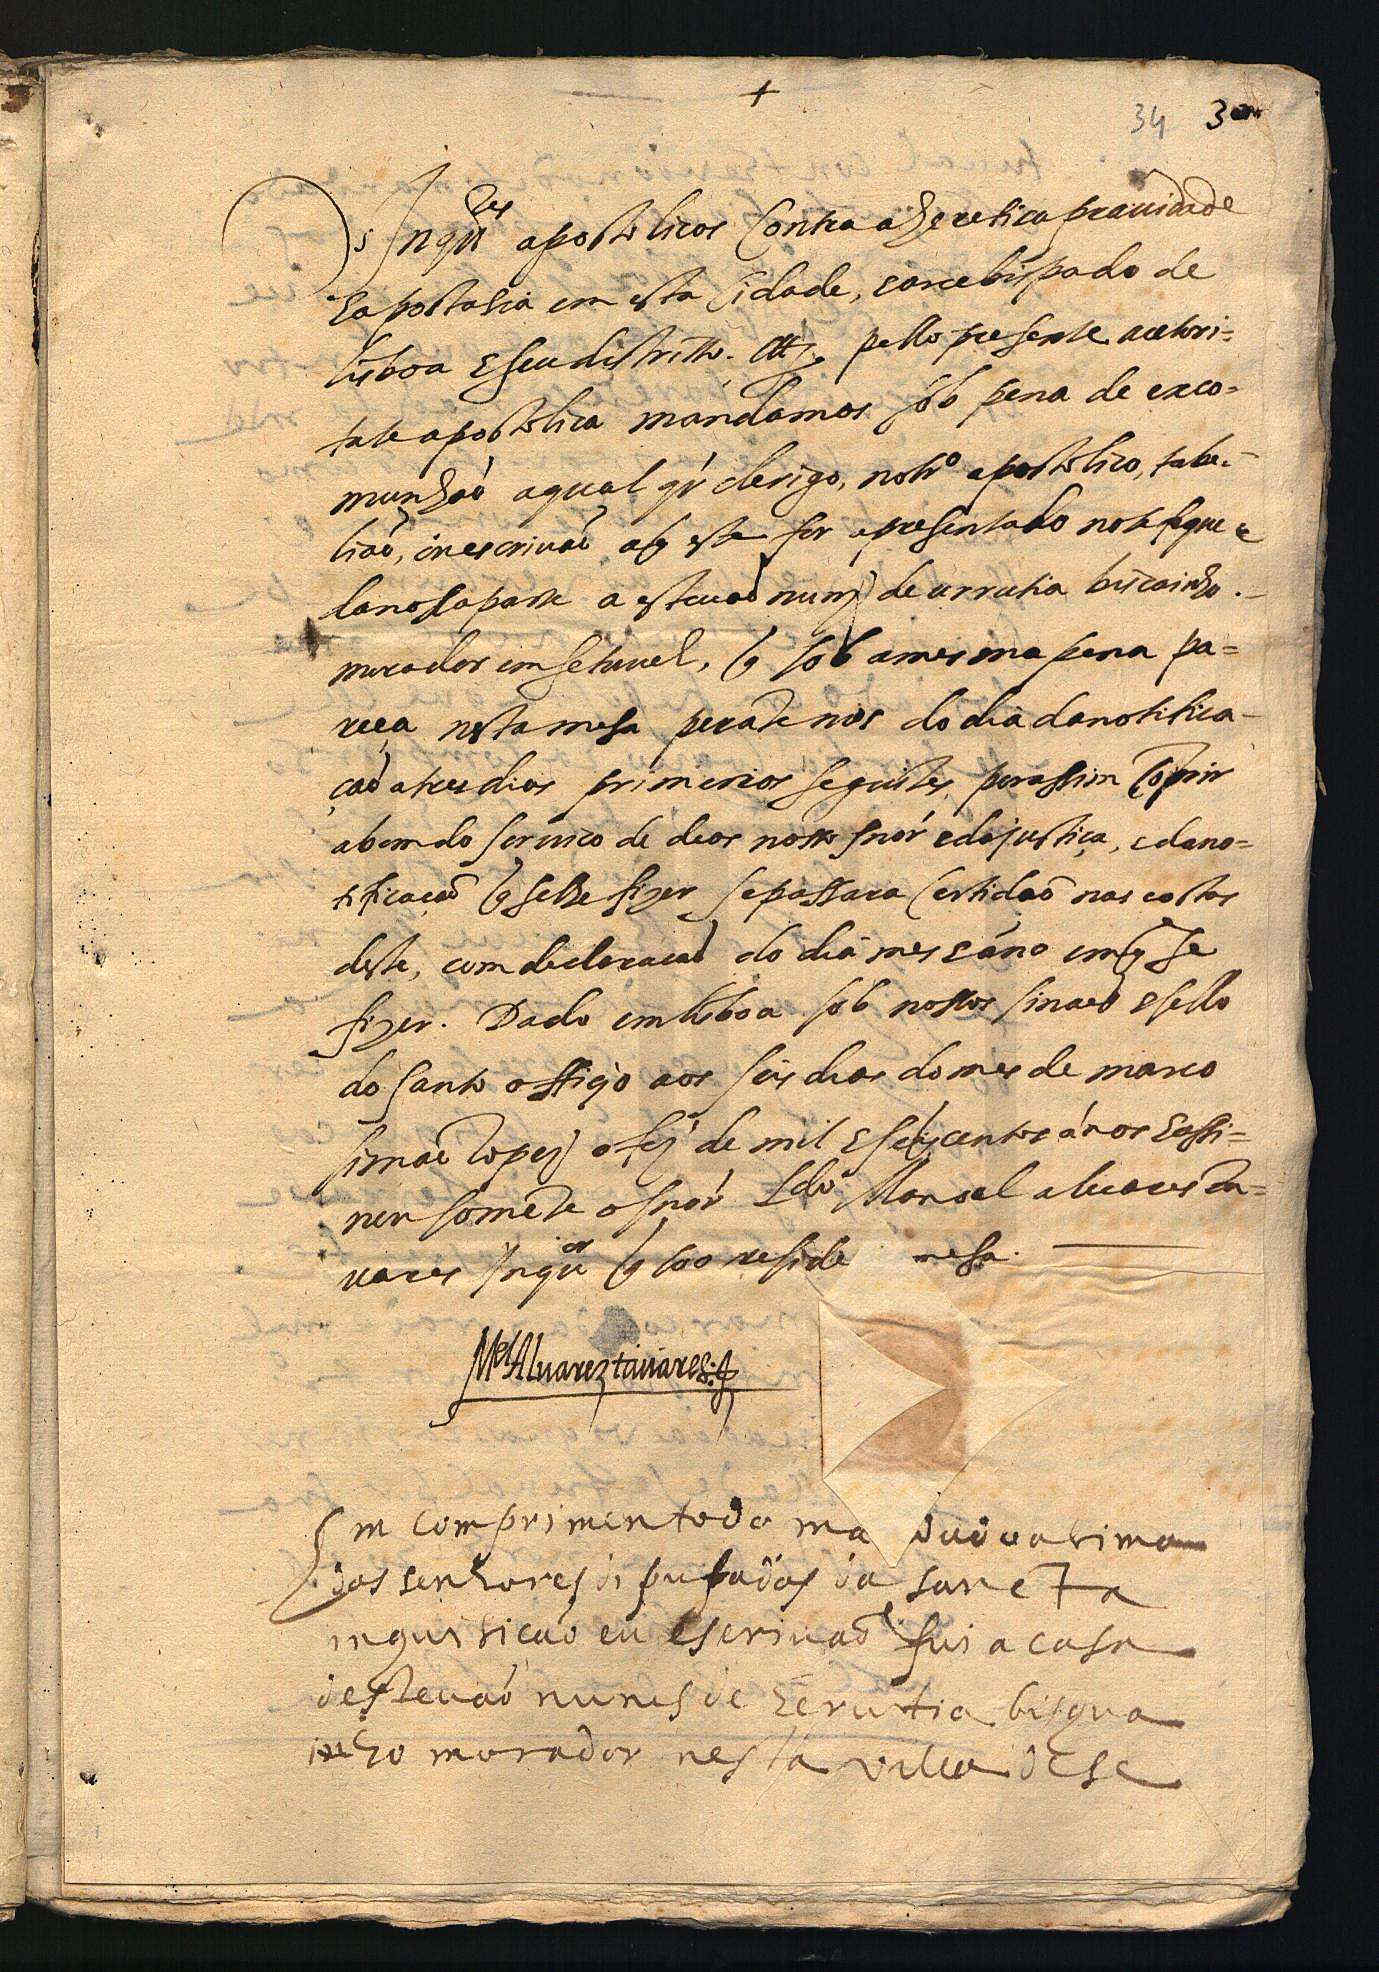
Os Jnqures apostolicos Contra a heretica prauidade
E apostasia em esta Cidade, E arcebispado de
lisboa E seu distritto, ettꝭ pello presente autori
tate apostolica mandamos sob pena de exco
munhaõ a qualqr̄ clerigo, notro apostolico, tabe
liaõ, ou escriuaõ a q̄ este for apresentado notefique
da nossa parte a esteuaõ nunz̄ de urrutia biscainho
morador em setuuel, q̄ sob a mesma pena pa
reça nesta mesa perāte nos do dia da notifica
çaõ a tres dias primeiros seguītes per assim cōprir
a bem do seruico de deos nosso snor̄ e da justiça, e da no
tificaçaõ q̄ se lhe fizer se passara Certidaõ nas costas
deste, com declaracaõ do dia mes E an̄o em q̄ se
fizer. Dado em lisboa sob nossos sinaes E sello
do santo officjo aos seis dias do mes de marco
simaõ lopez o fez de mil E seiscentos an̄os E assi
nou somēte o snor̄ L.do Manoel aluares ta
uares Inquor q̄ soo reside mesa.
Em comprimento do ma dado asima
dos senhores diputados da sancta
inquisiçaõ eu escriuaõ fui a casa
desteuaõ nunes de herutia bisqua
inho morador nesta villa de se
